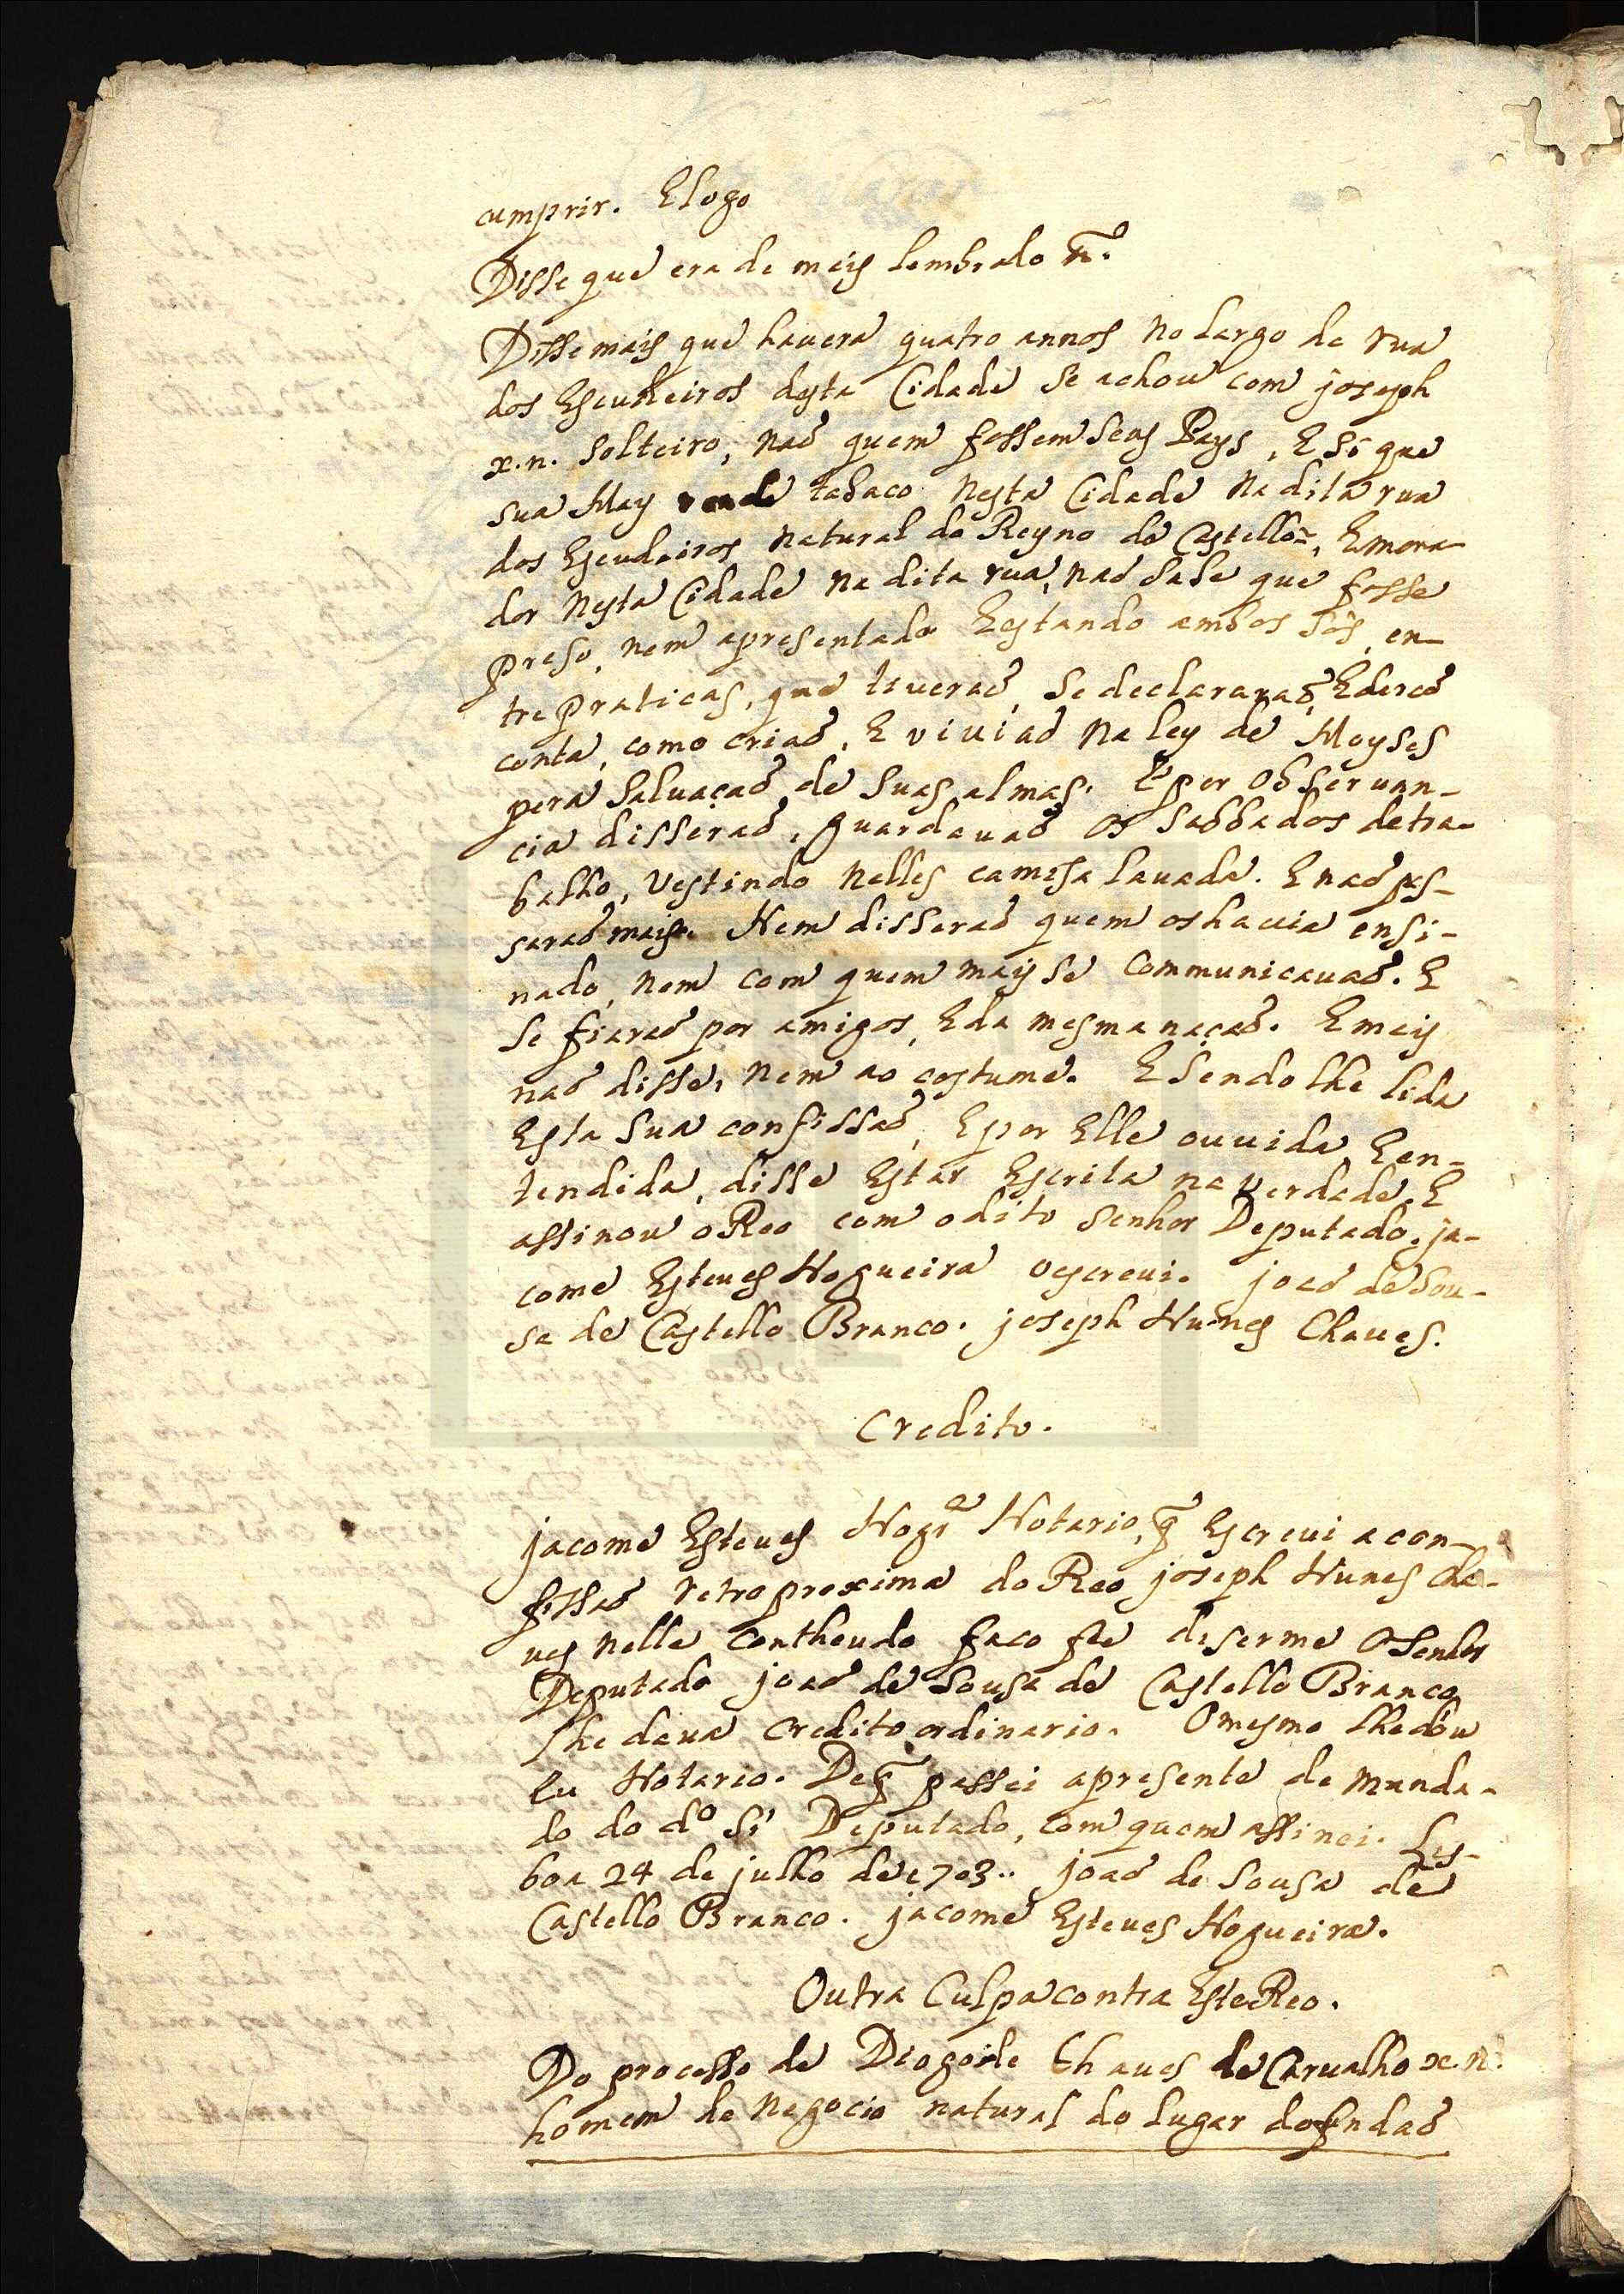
cumprir. E logo
Disse que era de mais lembrado n.o
Disse mais que hauera quatro annos no largo de rua
dos Escudeiros desta Cidade se achou com joseph
x. n. solteiro, naõ quem fossem seos Pays, E só que
sua May vende tabaco nesta Cidade na dita rua
dos Escudeiros natural do Reyno da Castella, E mora
dor nesta Cidade na dita rua, naõ sabe que fosse
preso, nem apresentado E estando ambos sós, en
tre praticas, que tiueraõ se declararaõ, E deraõ
conta, como criaõ, E viuiaõ na Ley de Moyses
pera Saluaçaõ de suas almas. E por obseruan
cia disseraõ, guardauaõ os sabbados de tra
balho, vestindo nelles camisa lauada. E naõ pas
saraõ mais Nem disseraõ quem os hauia ensi
nado nem com quem mais se communicauaõ. E
se fiaraõ por amigos, E da mesma naçaõ. E mais
naõ disse, nem ao costume. E sendo lhe lida
Esta sua confissaõ, E por Elle ouuida, E en
tendida, disse Estar Escrita na verdade. E
assinou o Reo com o dito Senhor Deputado. ja
come Esteues Nogueira o escreuia joaõ de Sou
sa de Castello Branco. joseph Nunes Chaues.
credito.
jacome Esteues Nogra Notario, q̄ Escreui a con
fissaõ retro proxima do Reo joseph Nunes cha
ues nella contheudo faço fee diserme o Senhor
Deputado joaõ de Sousa de Castello Branco
lhe daua credito ordinario. O mesmo lhe dou
eu Notario. De q̄ passei a presente de manda
do do do Sr̄ Deputado, com quem assinei. Lis
boa 24 de julho de 1703.. joaõ de Sousa de
Castello Branco. jacome Esteues Nogueira.
Outra Culpa contra Este Reo.
Do processo de Diogo de Chaues de Carualho x. n.
homem de negocio natural do Lugar do fundaõ
